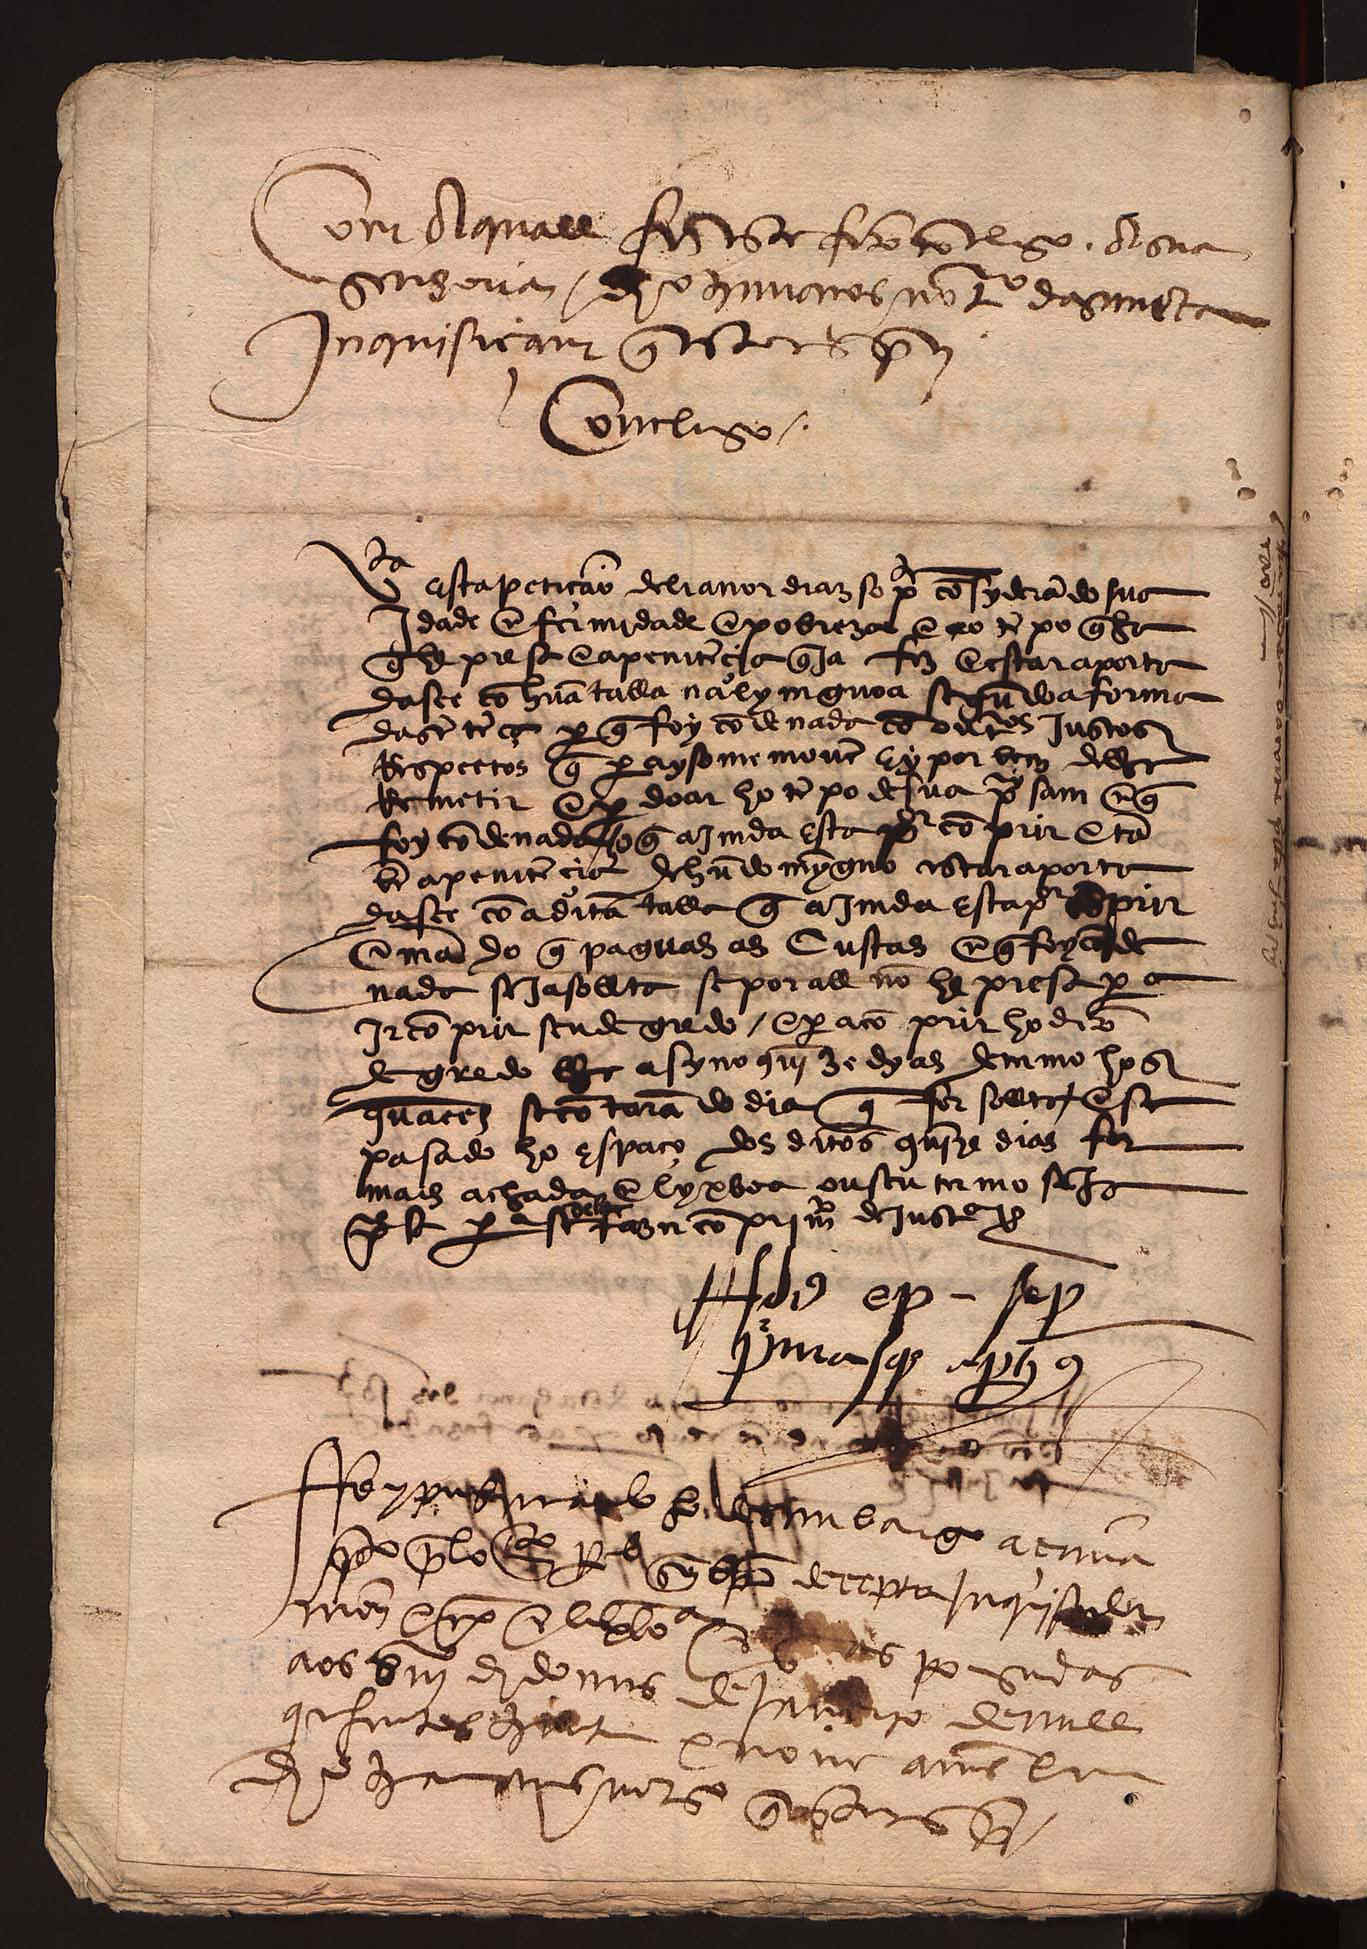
Com A quall fis este ft̄o cōcluso. A sua
senhoria / djo trauaços notro da sancta
Jnquisiçam q̄ esto esp̄j
Concluso /.
Vta Esta petiçaõ de lianor diaz sopte cōsyderādo sua
Jdade ēfermjdade e pobreza e ao tēpo q̄ ha
q̄ he presa e a penitēcia q̄ Ja fez ē estar a porta
da see c̄o huā talla na lymguoa segūdo a forma
da sētēça ꝑ q̄ foy c̄odenada c̄o outros Justos
Respectos q̄ ꝑa ysso me mouē Ey por bem de lhe
Remetir e ꝑdoar ho tēpo de sua prysam ē q̄
foy c̄odenada ho q̄ aJmda Esta por cōprir e tā
bē a penitēcia de hū domȳguo estar a porta
da see c̄o a dita talla q̄ aJmda Esta por cōprir
e mādo q̄ paguas as Custas ē q̄ foy c̄ode
nada seJa sollta se por all n̄o he presa ꝑa
Jr cōprir seu degredo / e ꝑa c̄oprir ho dito
degredo lhe asyno quj̄ze dyas de termo hos
quaees se c̄otarā do dias q̄ for sollta / e se
pasado ho Espaço dos ditos quj̄ze dias for
mais achada ē lyxboa ou seu termo seJa
p̄esa ꝑa se delo fazer cōprjmto de Justa
ffoy pubricado ho desembargo acima
sp̄to p̄lo mto Rdo bpō de cepta Jnqujsidor
mōr e c̄ꝭ ē lixboa ē suas pousadas
aos biijo dj do mes de Janeiro de mill
q̄nhentos trinta e noue anōs e eu
djo trauaços notro q̄ este esp̄j
